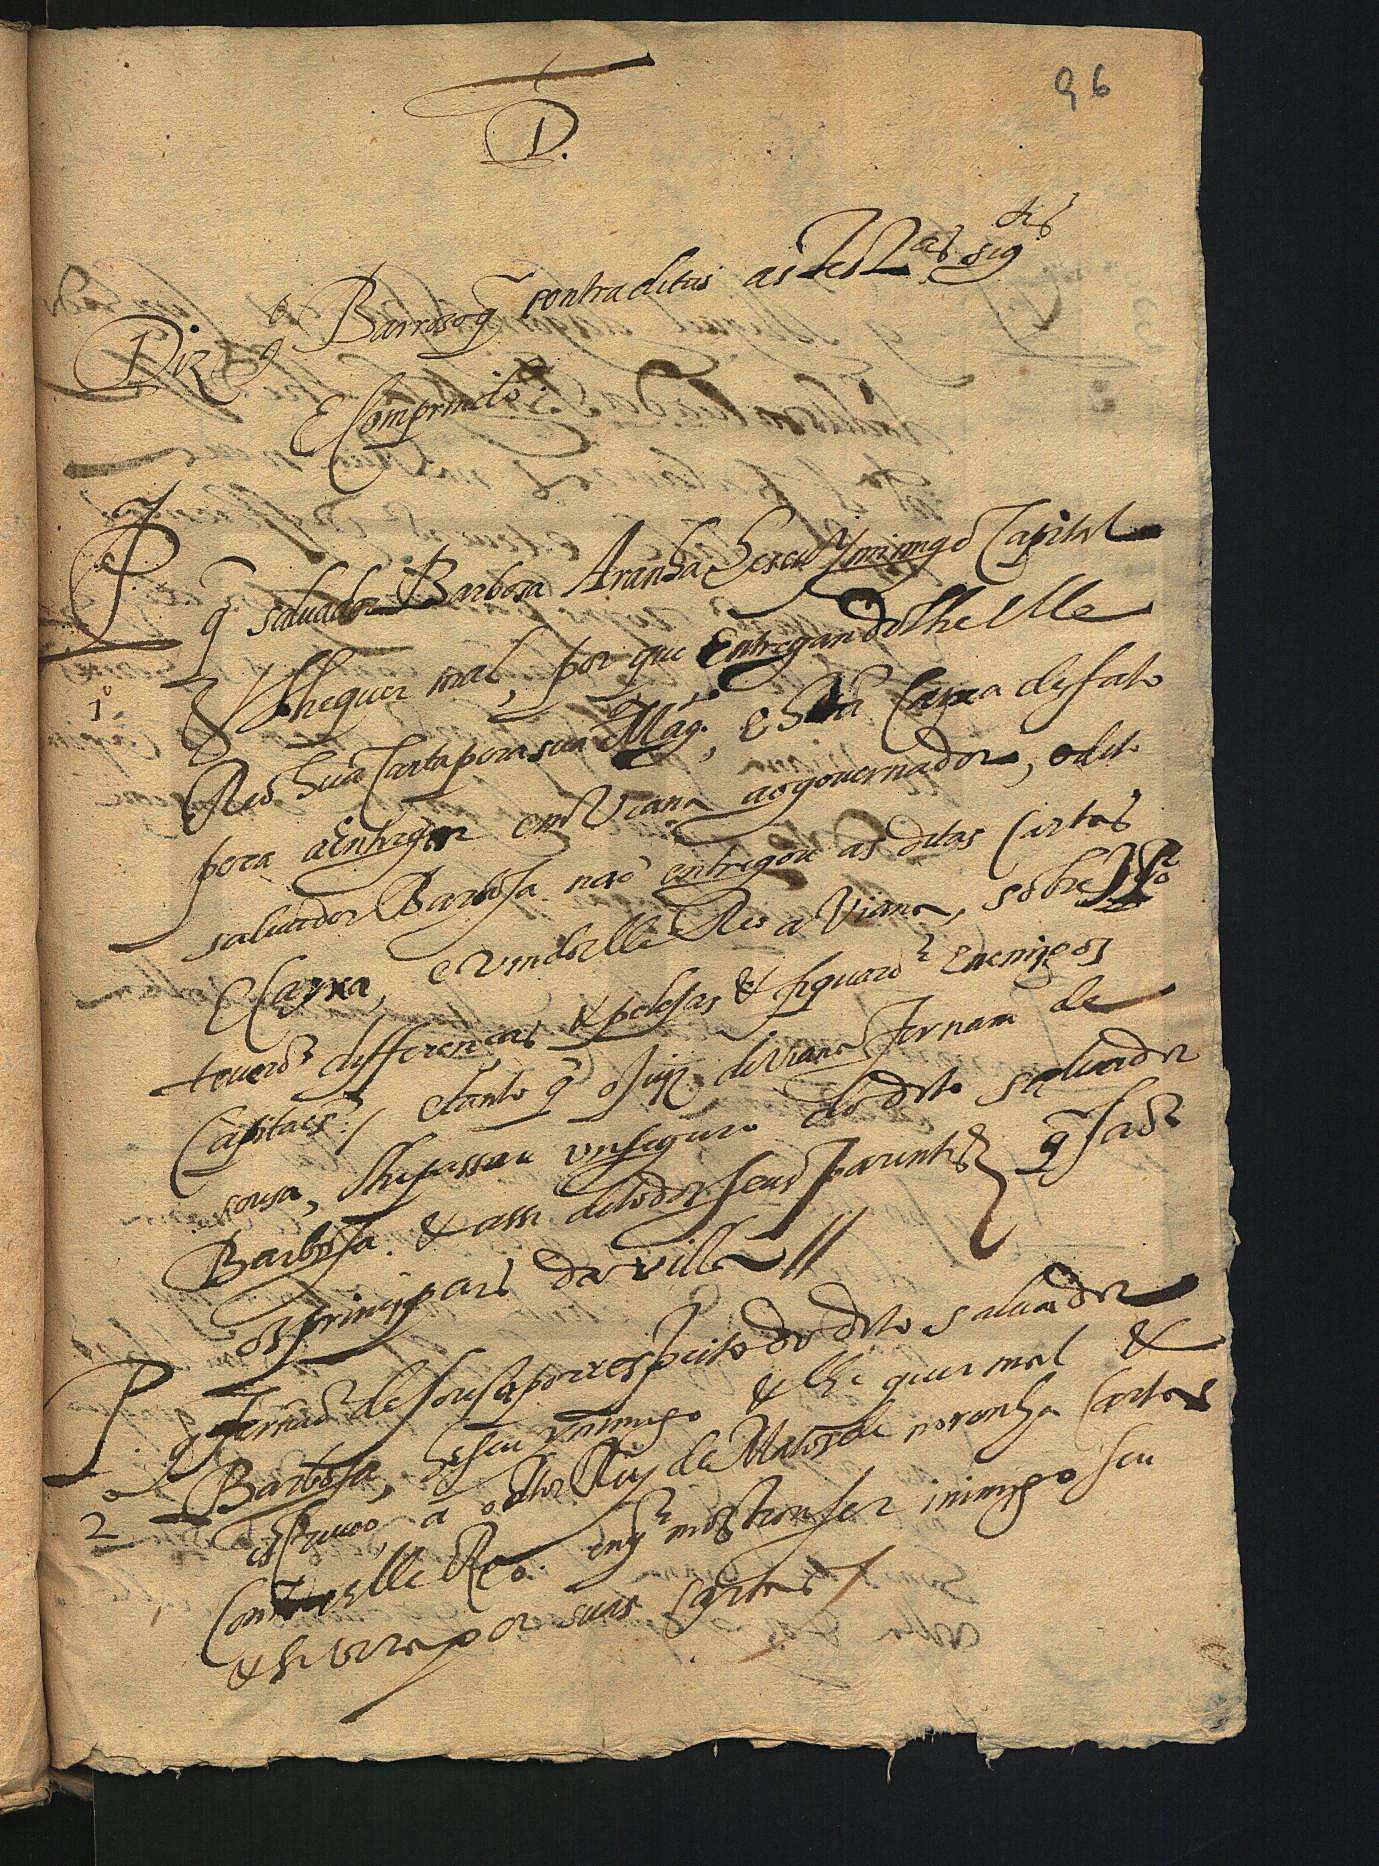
D.
Diz go Barroso q̄ contraditas as testas sigtes
E Comprindo
P q̄ saluador Barbosa Aranha he seu Ynimigo Capital
& lhe quer mal, porque Entregandolhe elle
Reo huā Carta pera sua Mag.te, e huā Caixa de fato
pera a Entregar em Viana ao gouernador, o dito
saluador Barbosa naõ entregou as ditas Cartas
E Cayxa, e vindo elle Reo a Viana, sobre Jso
teuerō differenças & pelejas & fiquarō Enemjgos
Capitaes. / e tanto q̄ o Jujz de viana fernam de
sousa, lhe passou vn seguro do dito saluador
Barbosa. & assi de todos seus parentes q̄ saõ
os princjpais da villa //
P. q̄ fernaõ de sousa por respeito do dito saluador
Barbosa, he seu Ynimigo & lhe quer mal &
esCriueo a o dtor Ruj de Matos de noronha Cartas
Contra Elle Reo en q̄ mostrou ser inimjgo seu
& se vera por suas Cartas
